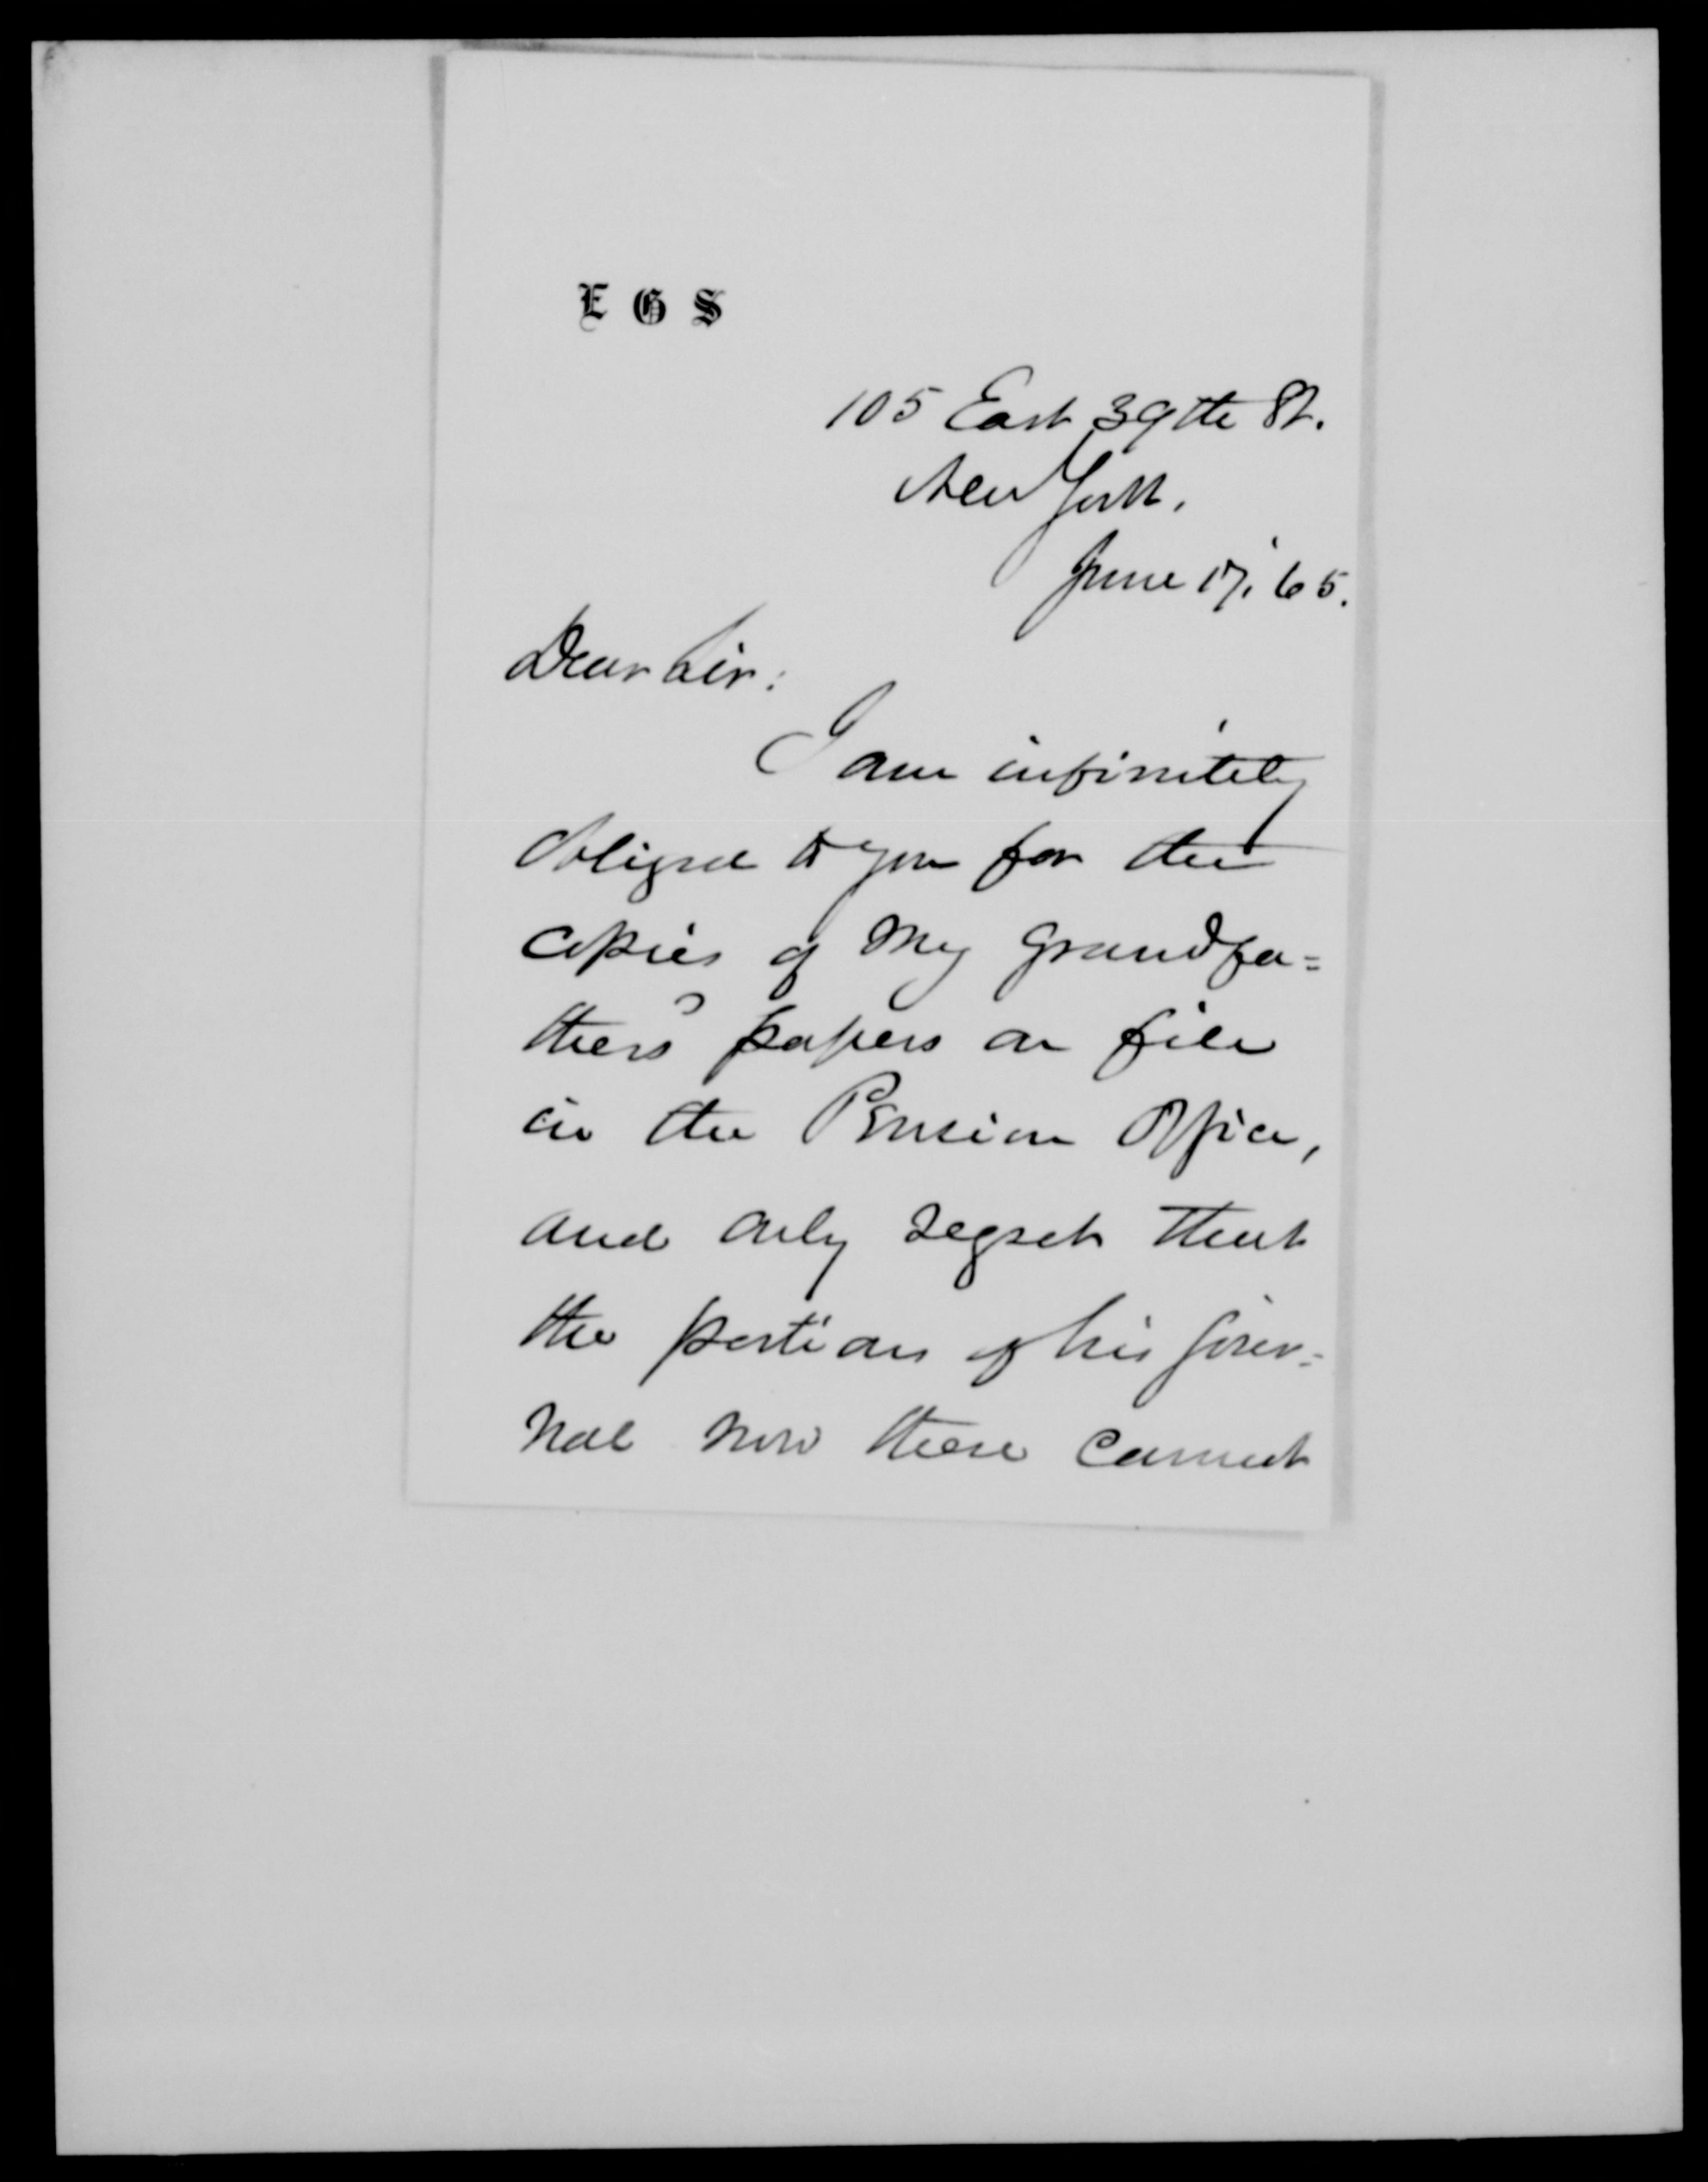EOS
 105 East 39th st. 
New York, 
June 1765.

Dear Sir:
 I am infinitely obliged  to you for the copies of my grandfathers papers a file in the Pension Office and only [illegible] that the portion of his journal now there carried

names: [BLANK]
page: 32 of 70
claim: rejected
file: R. 10,026, for Ephraim Squier, Connecticut